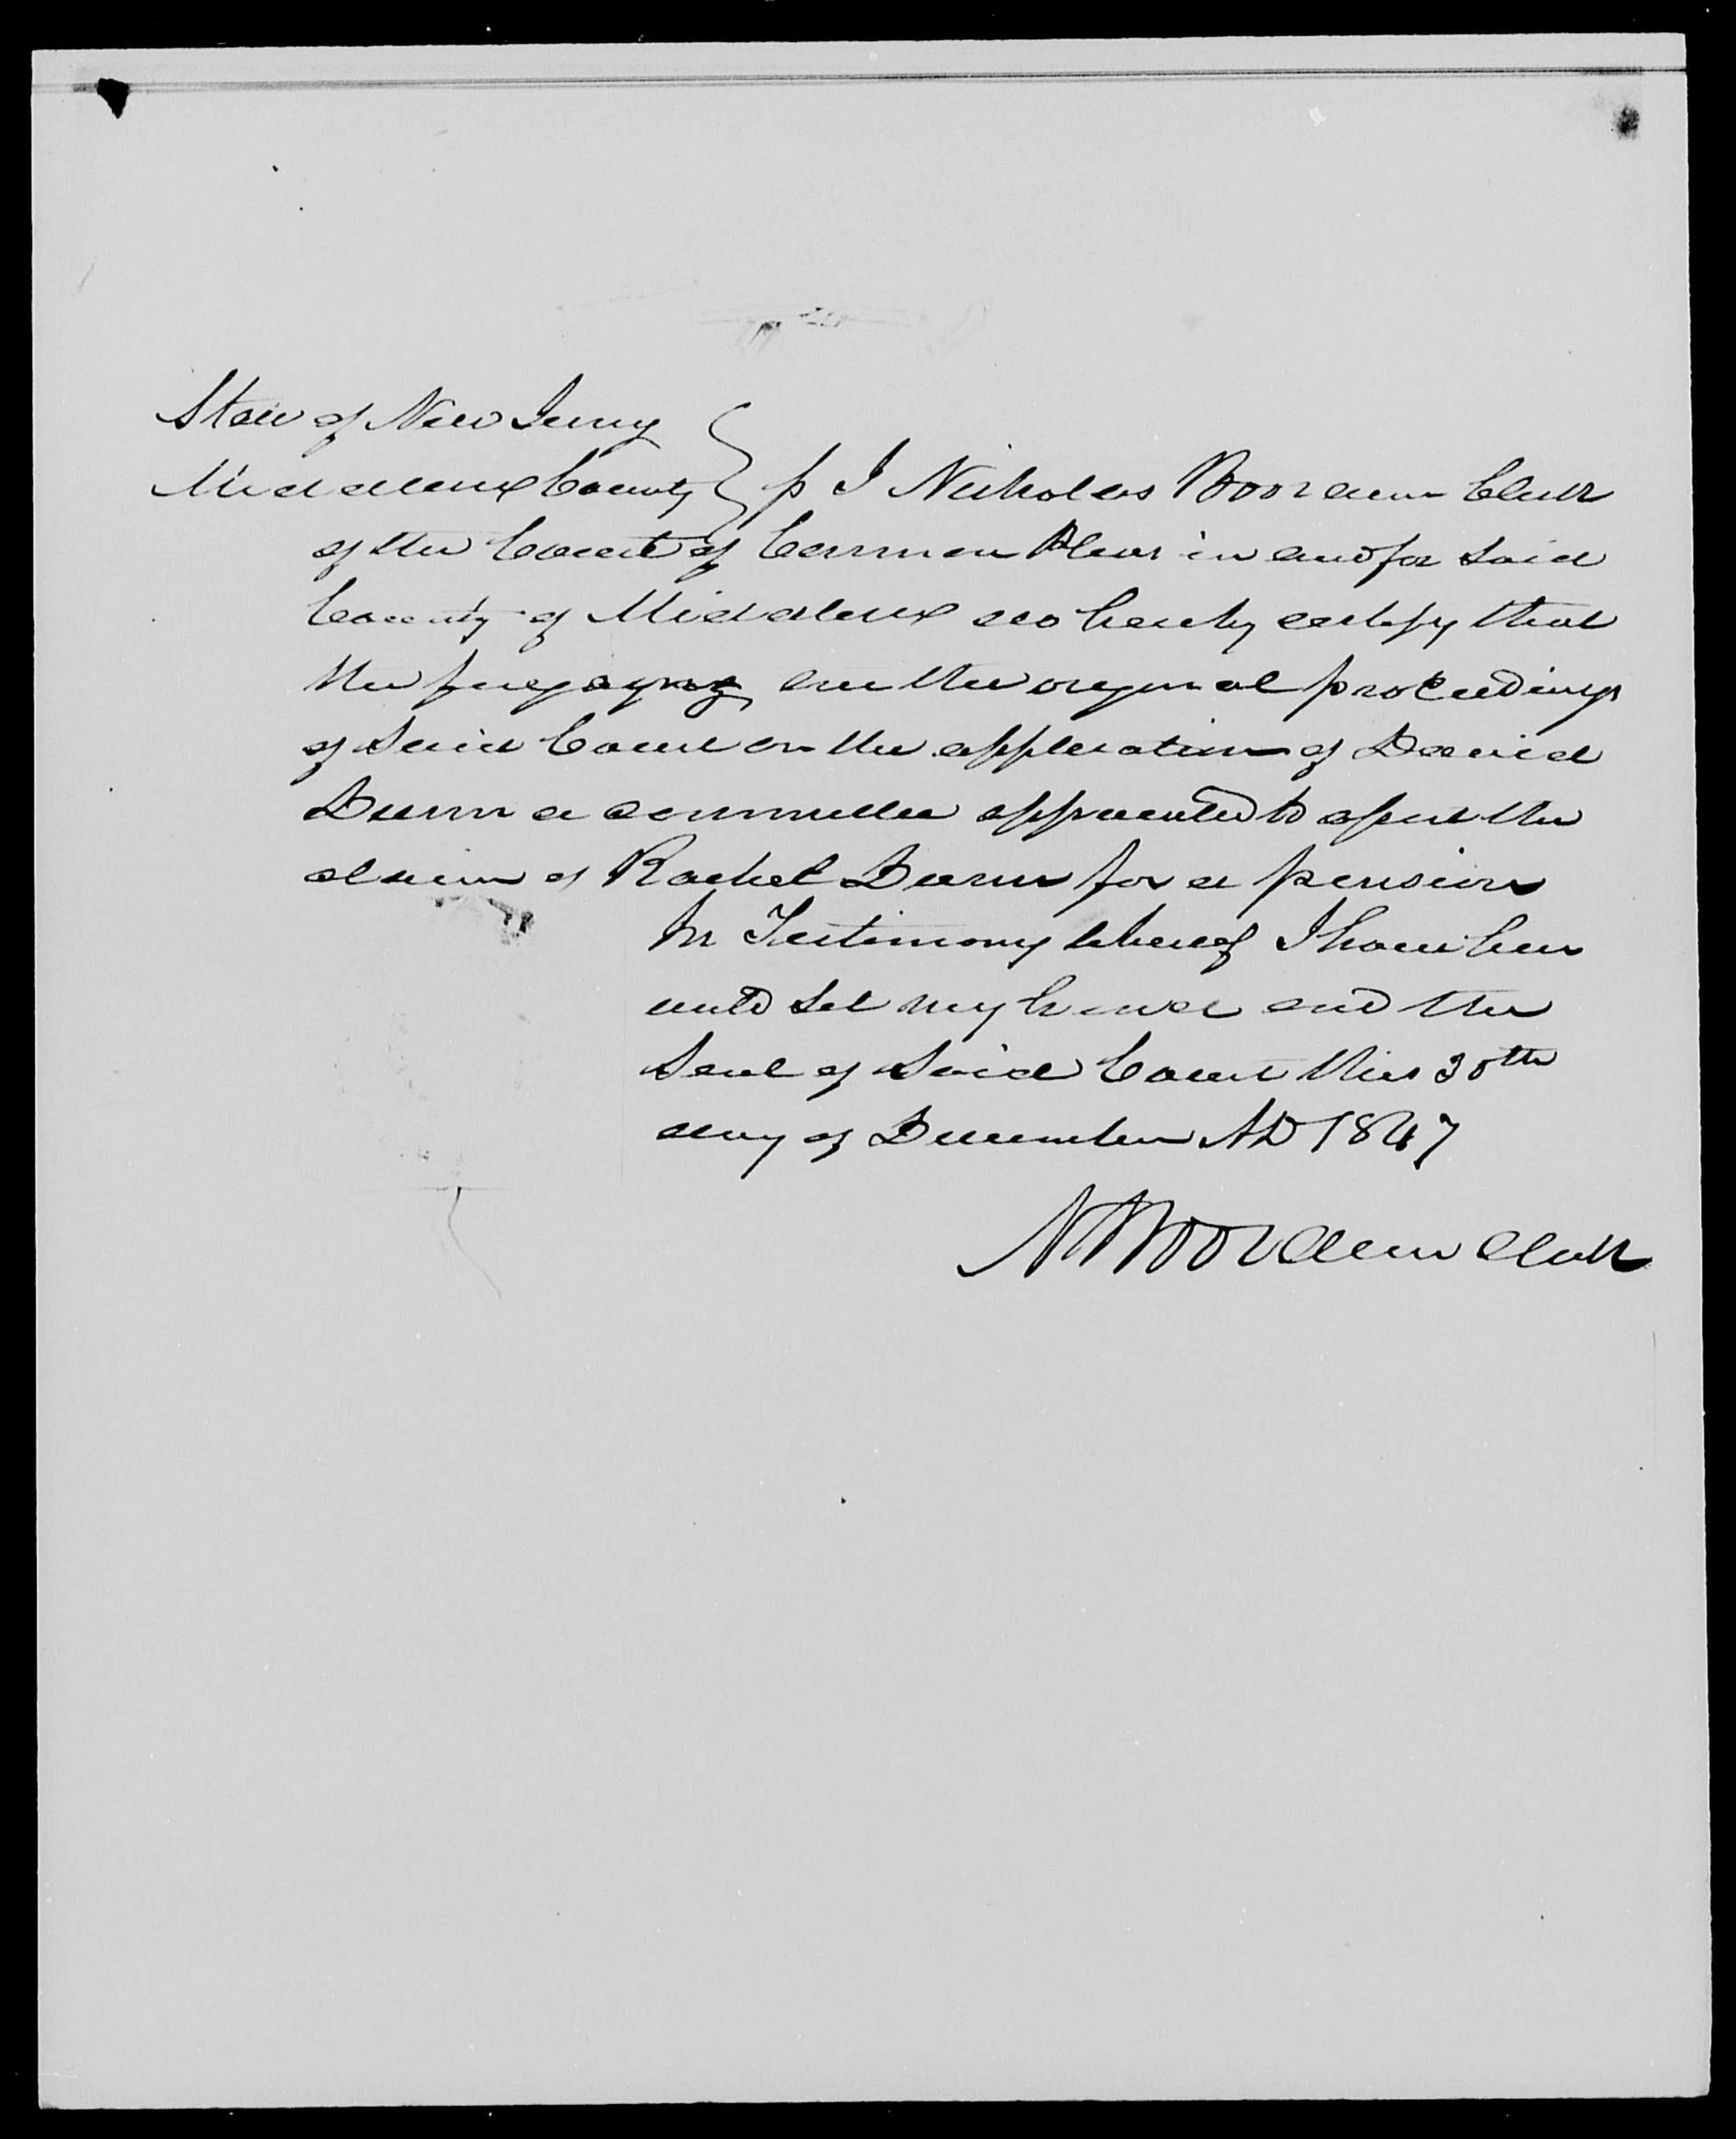State of New Jersey
Middlesex County } SS
I Nicholas Booraem Clerk of the Court of Common Pleas in and for said County of Middlesex do hereby certify that the foregoing are the original proceedings of said Court on the application of David Dunn a committee appointed to assert the claim of Rachel Dunn for a pension.

In testimony whereof I have hereunto set my hand and the seal of said Court this 30th day of December A D 1847
N Booraem Clerk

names: N Booraem, David Dunn, Nicholas Booraem, Rachel Dunn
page: 28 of 52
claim: widow's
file: W. 919, Joel Dunn, New Jersey